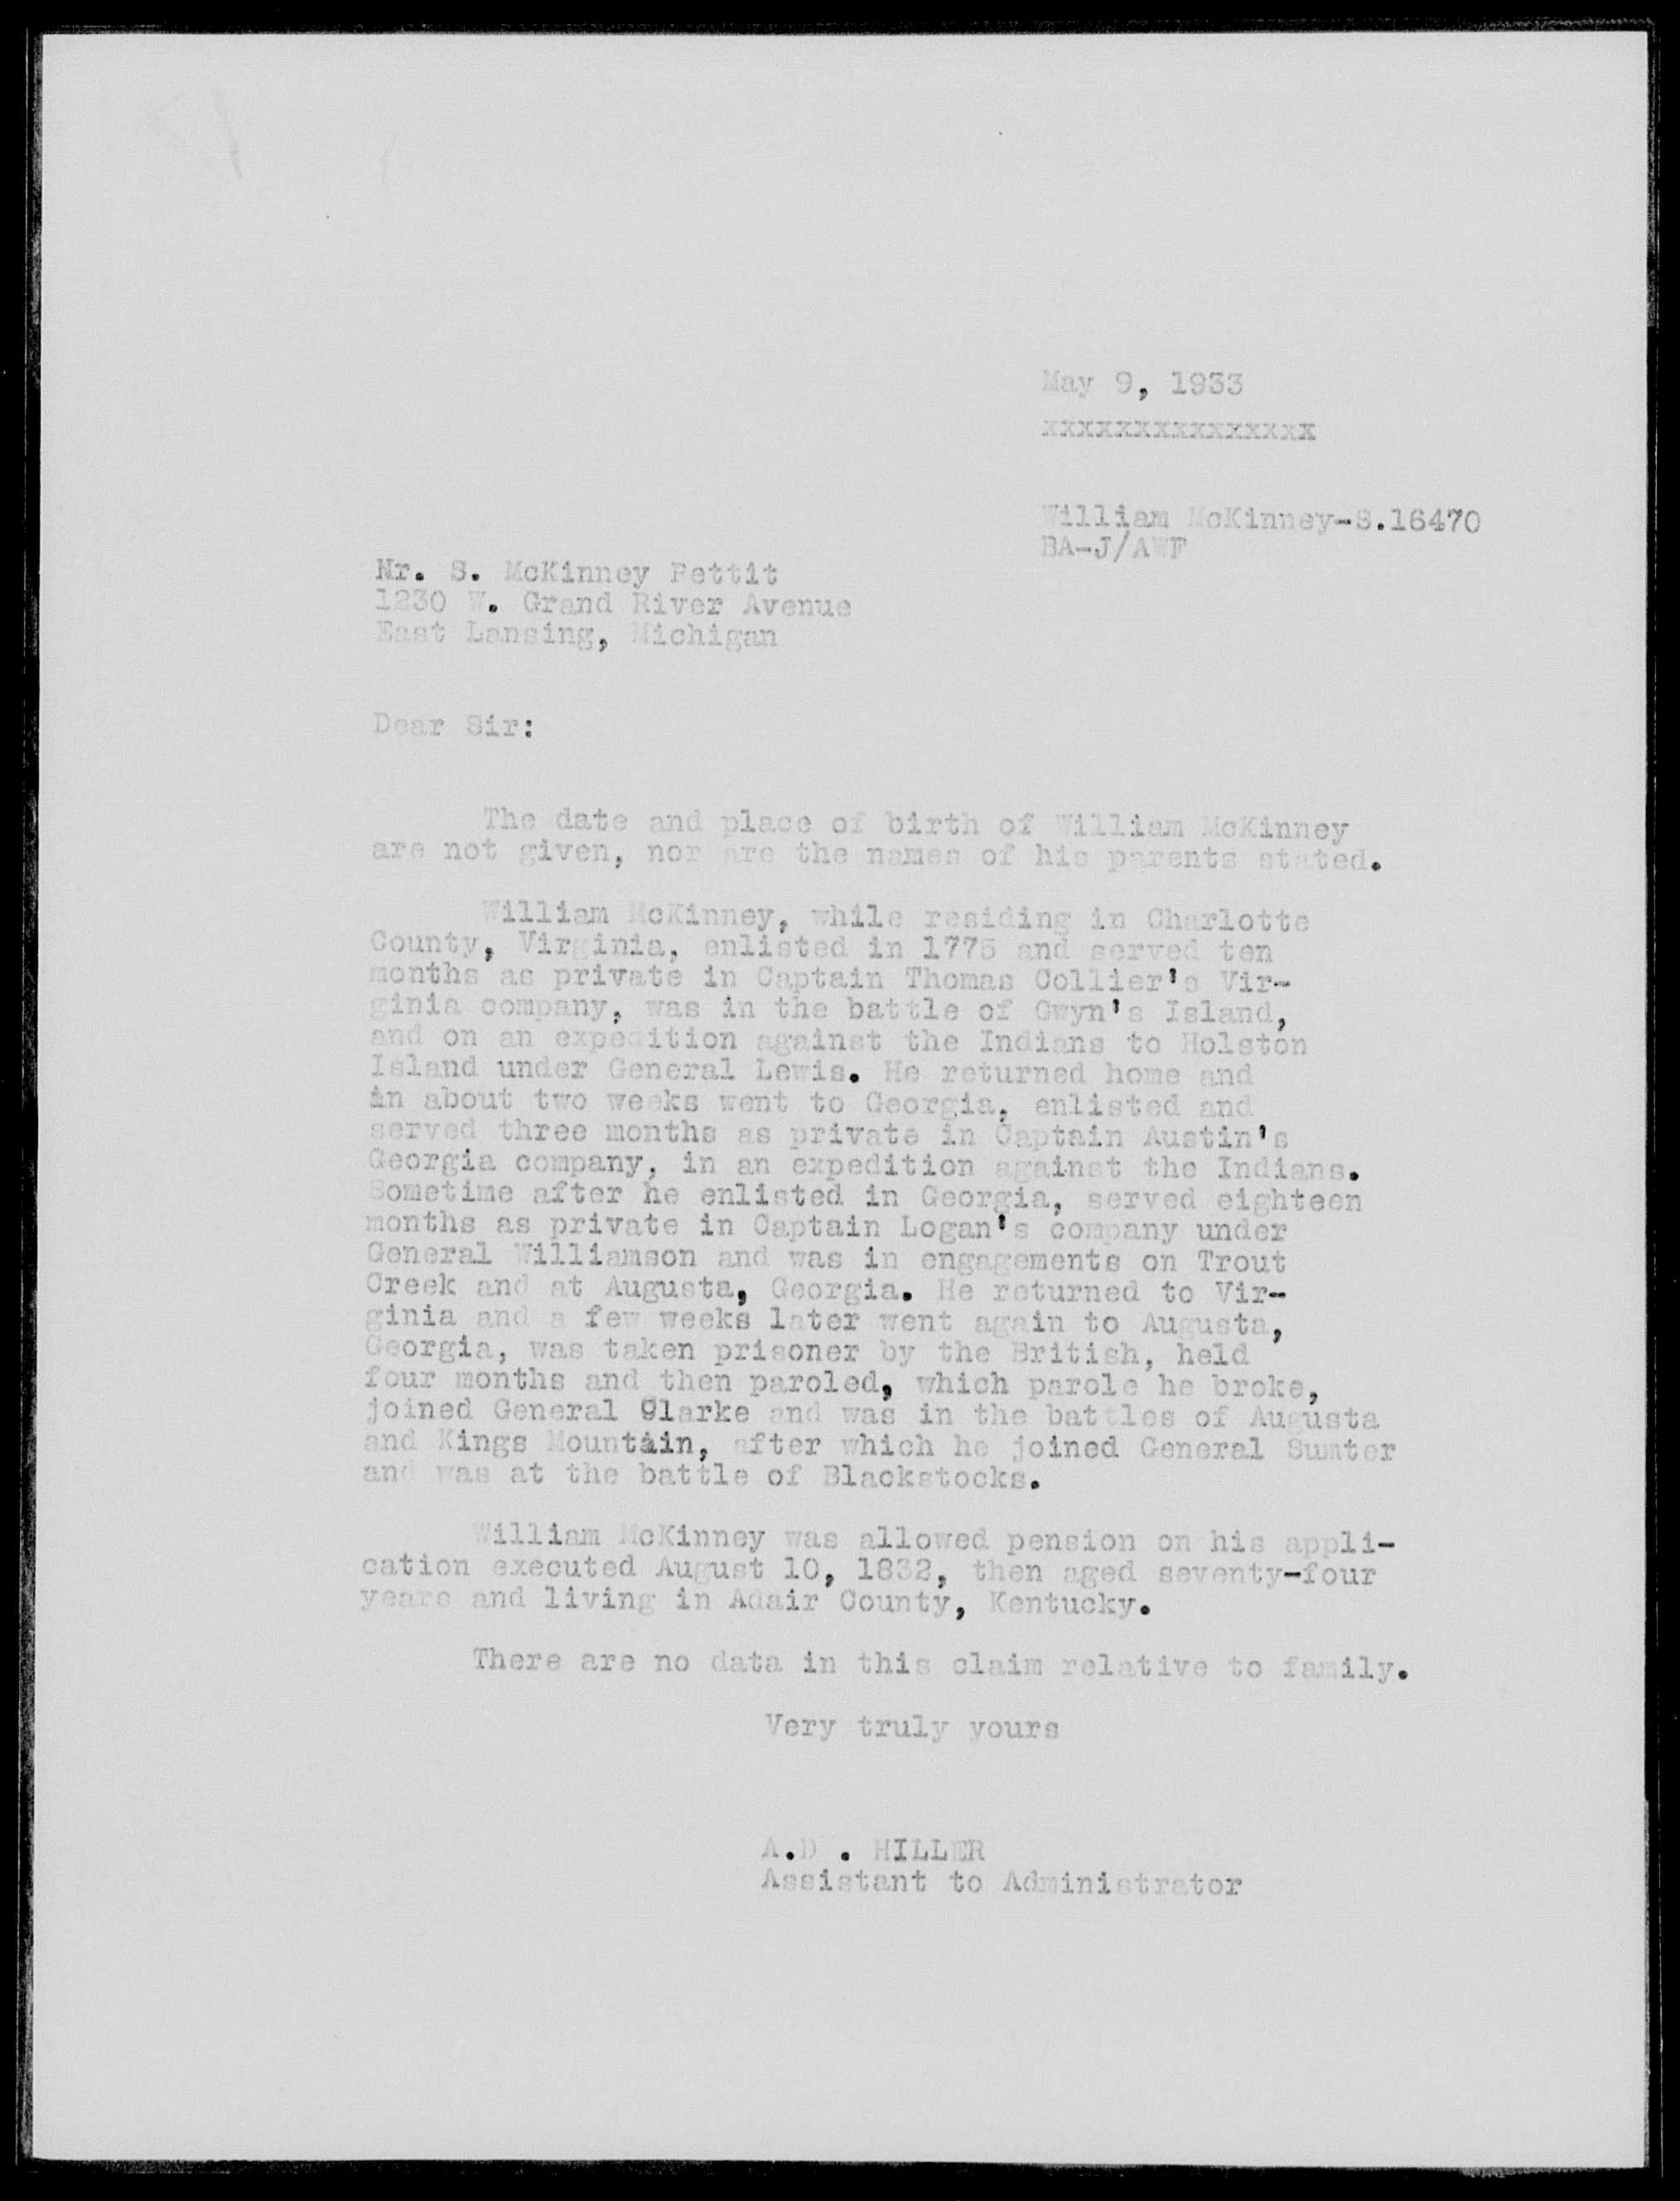May 9, 1933
William McKinney- S.16470
BA-J/AWF

Mr. S. McKinney Pettit
1230 W. Grand River Avenue
East Lansing, Michigan

Dear Sir: 
The date and place of birth of William McKinney are not given, nor are the names of his parents stated.

William McKinney, while residing in Charlotte County, Virginia, enlisted in 1775 and served ten months as private in Captain Thomas Collier's Virginia company, was in the battle of Gwyn's Island, and on an expedition against the Indians to Holston Island under General Lewis. He returned home and in about two weeks went to Georgia, enlisted and served three months as private in Captain Austin's Georgia company, in an expedition against the Indians. Sometime after he enlisted in Georgia, served eighteen months as private in Captain Logan's company under General Williamson and was in engagements on Trout Creek and at Augusta, Georgia. He returned to Virginia and a few weeks later went again to Augusta, Georgia, was taken prisoner by the British, held four months and then paroled, which parole he broke, joined General Clarke and was in the battles of Augusta and Kings Mountain, after which he joined General Sumter and was at the battle of Blackstocks.

William McKinney was allowed pension on his application executed August 10, 1832, then aged seventy-four years and living in Adair County, Kentucky.

There are no data in this claim relative to family. 

Very truly yours

A.D. HILLER
Assistant to Administrator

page: 10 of 28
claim: survivor's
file: S. 16,470, for William Mc Kinney, Georgia